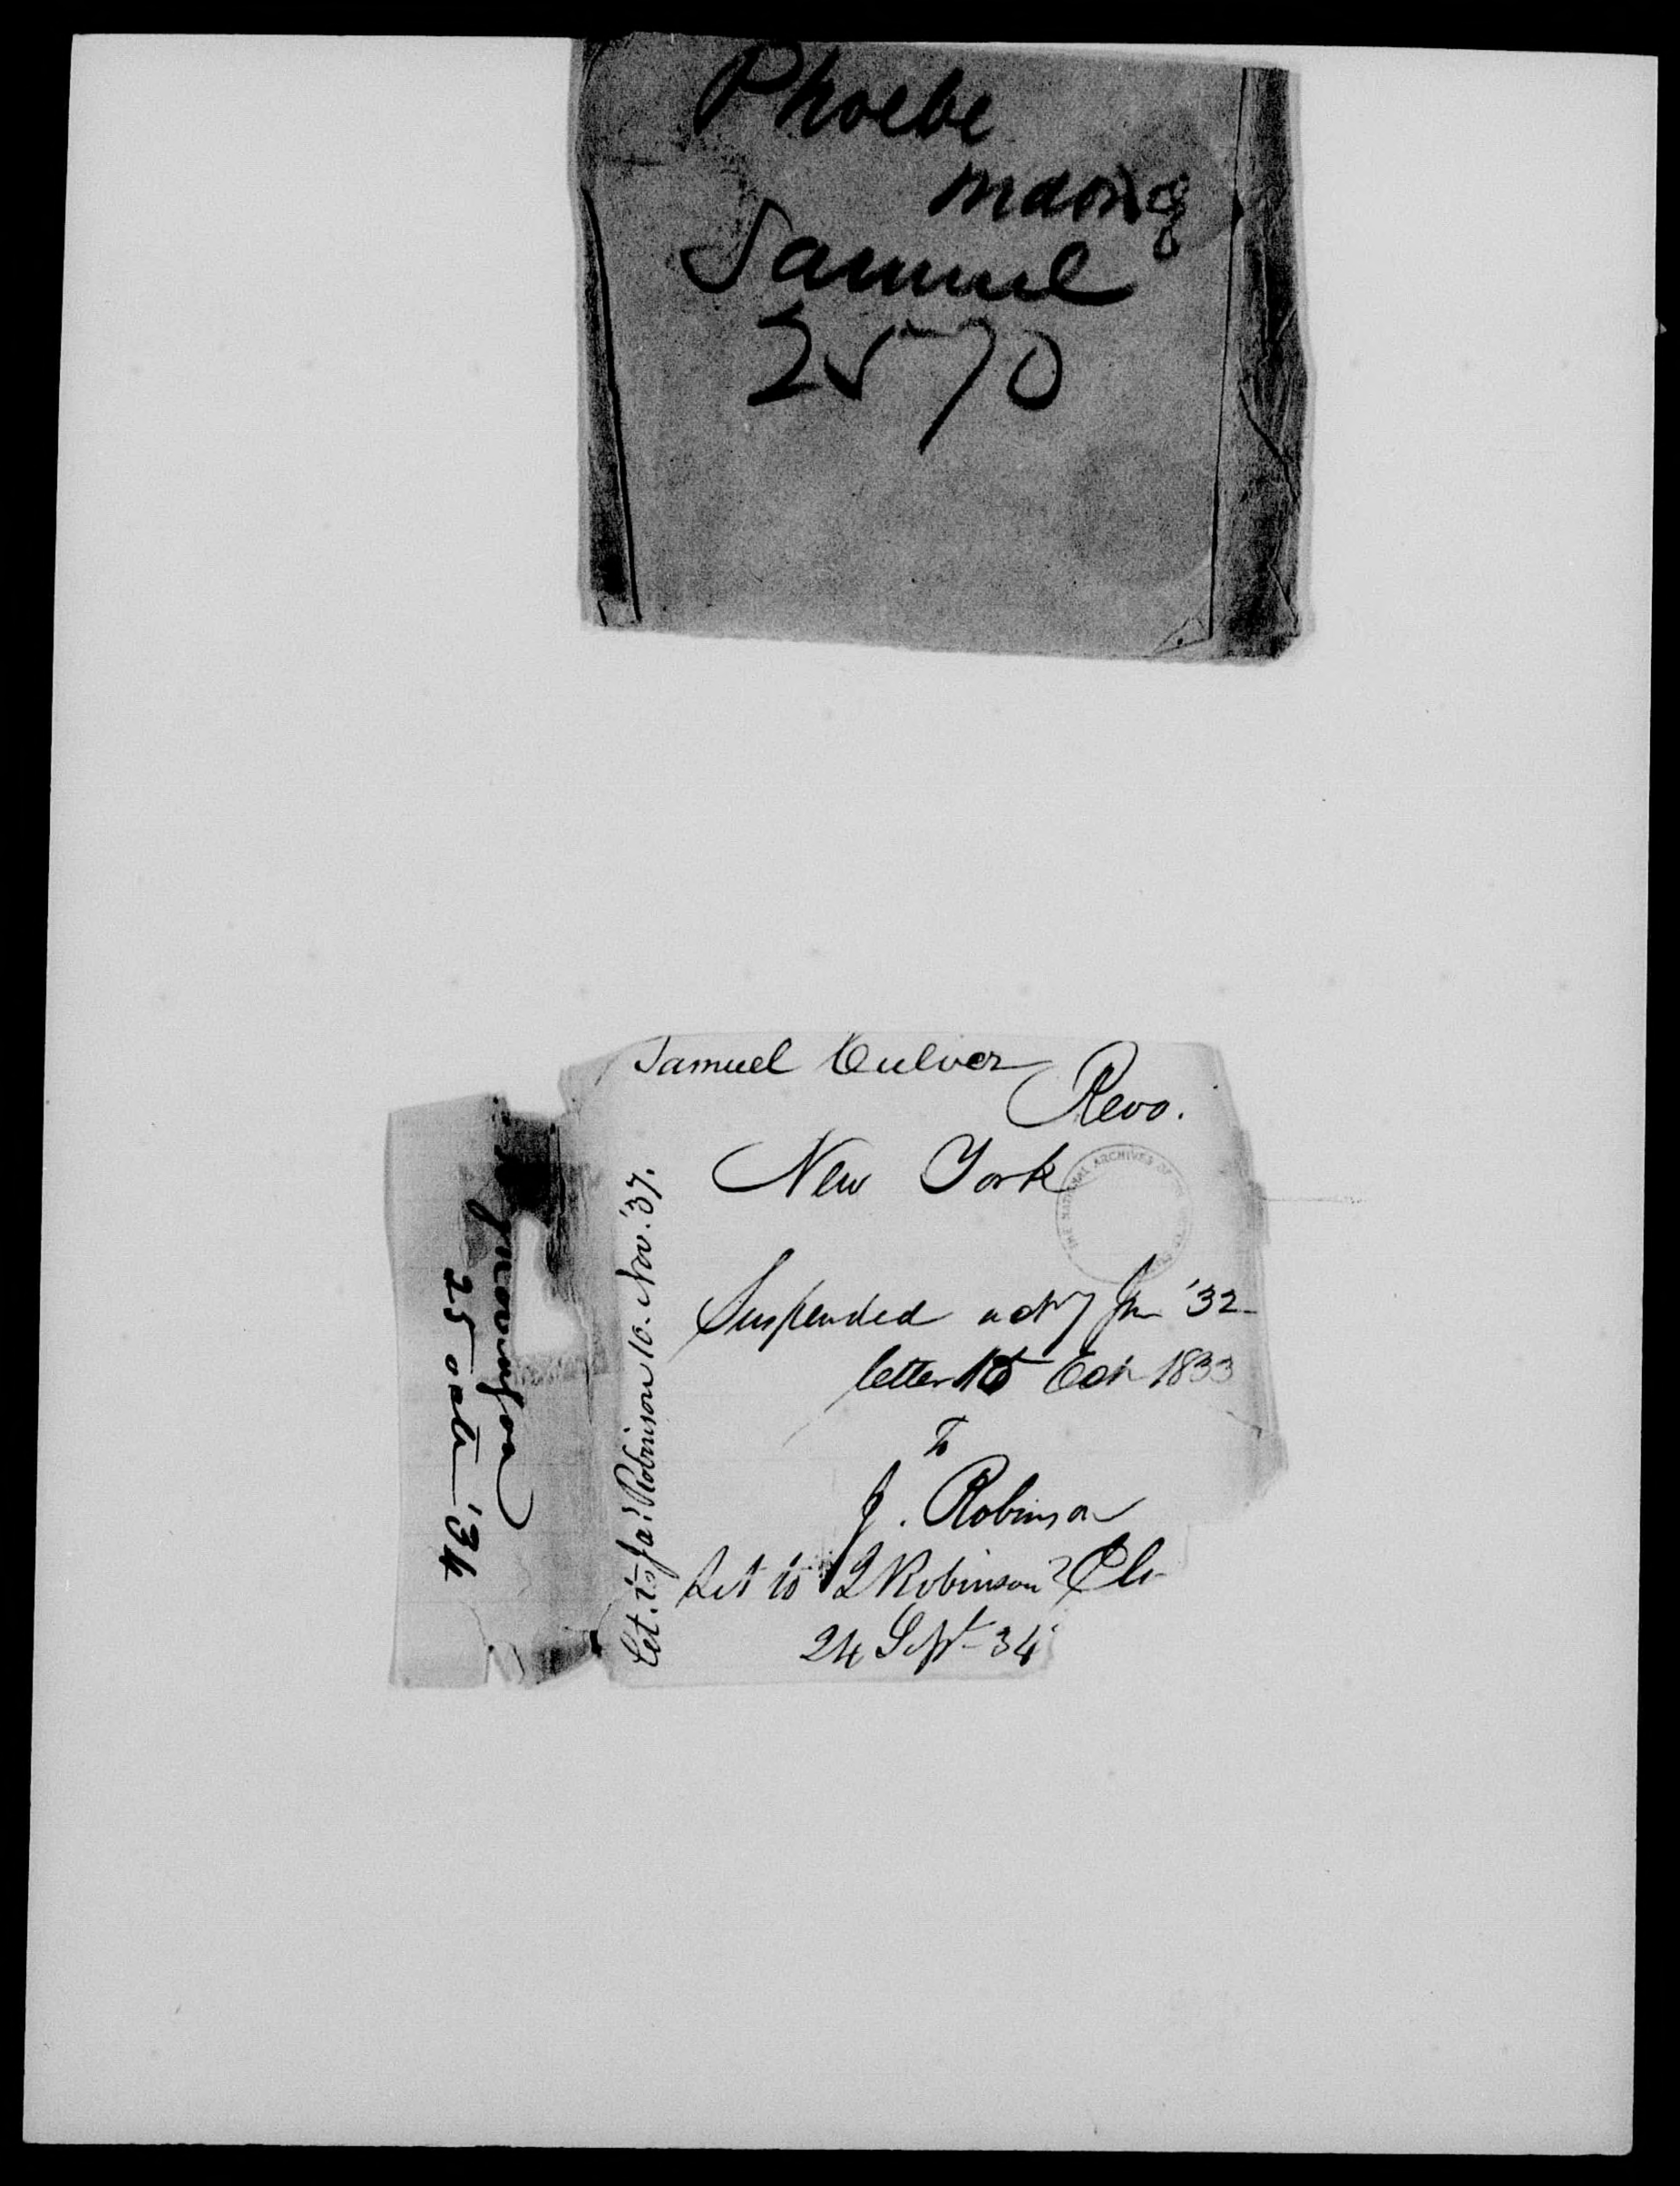Letter to Jas Robinson November ‘37

(illegible)
25 October ‘34

Samuel Culver 
		Revo.

New York 

[stamp – The National Archives of the United States]

Suspended copy Jan ‘32
letter to (illegible) 1833
to 
J. Robinson
Sent to J. Robinson
24 Sept 34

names: J Robinson, Phoebe, Samuel, Jas Robinson, Samuel Culver, J Robinson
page: 19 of 40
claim: rejected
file: R. 1,570, Samuel Culver, New Jersey